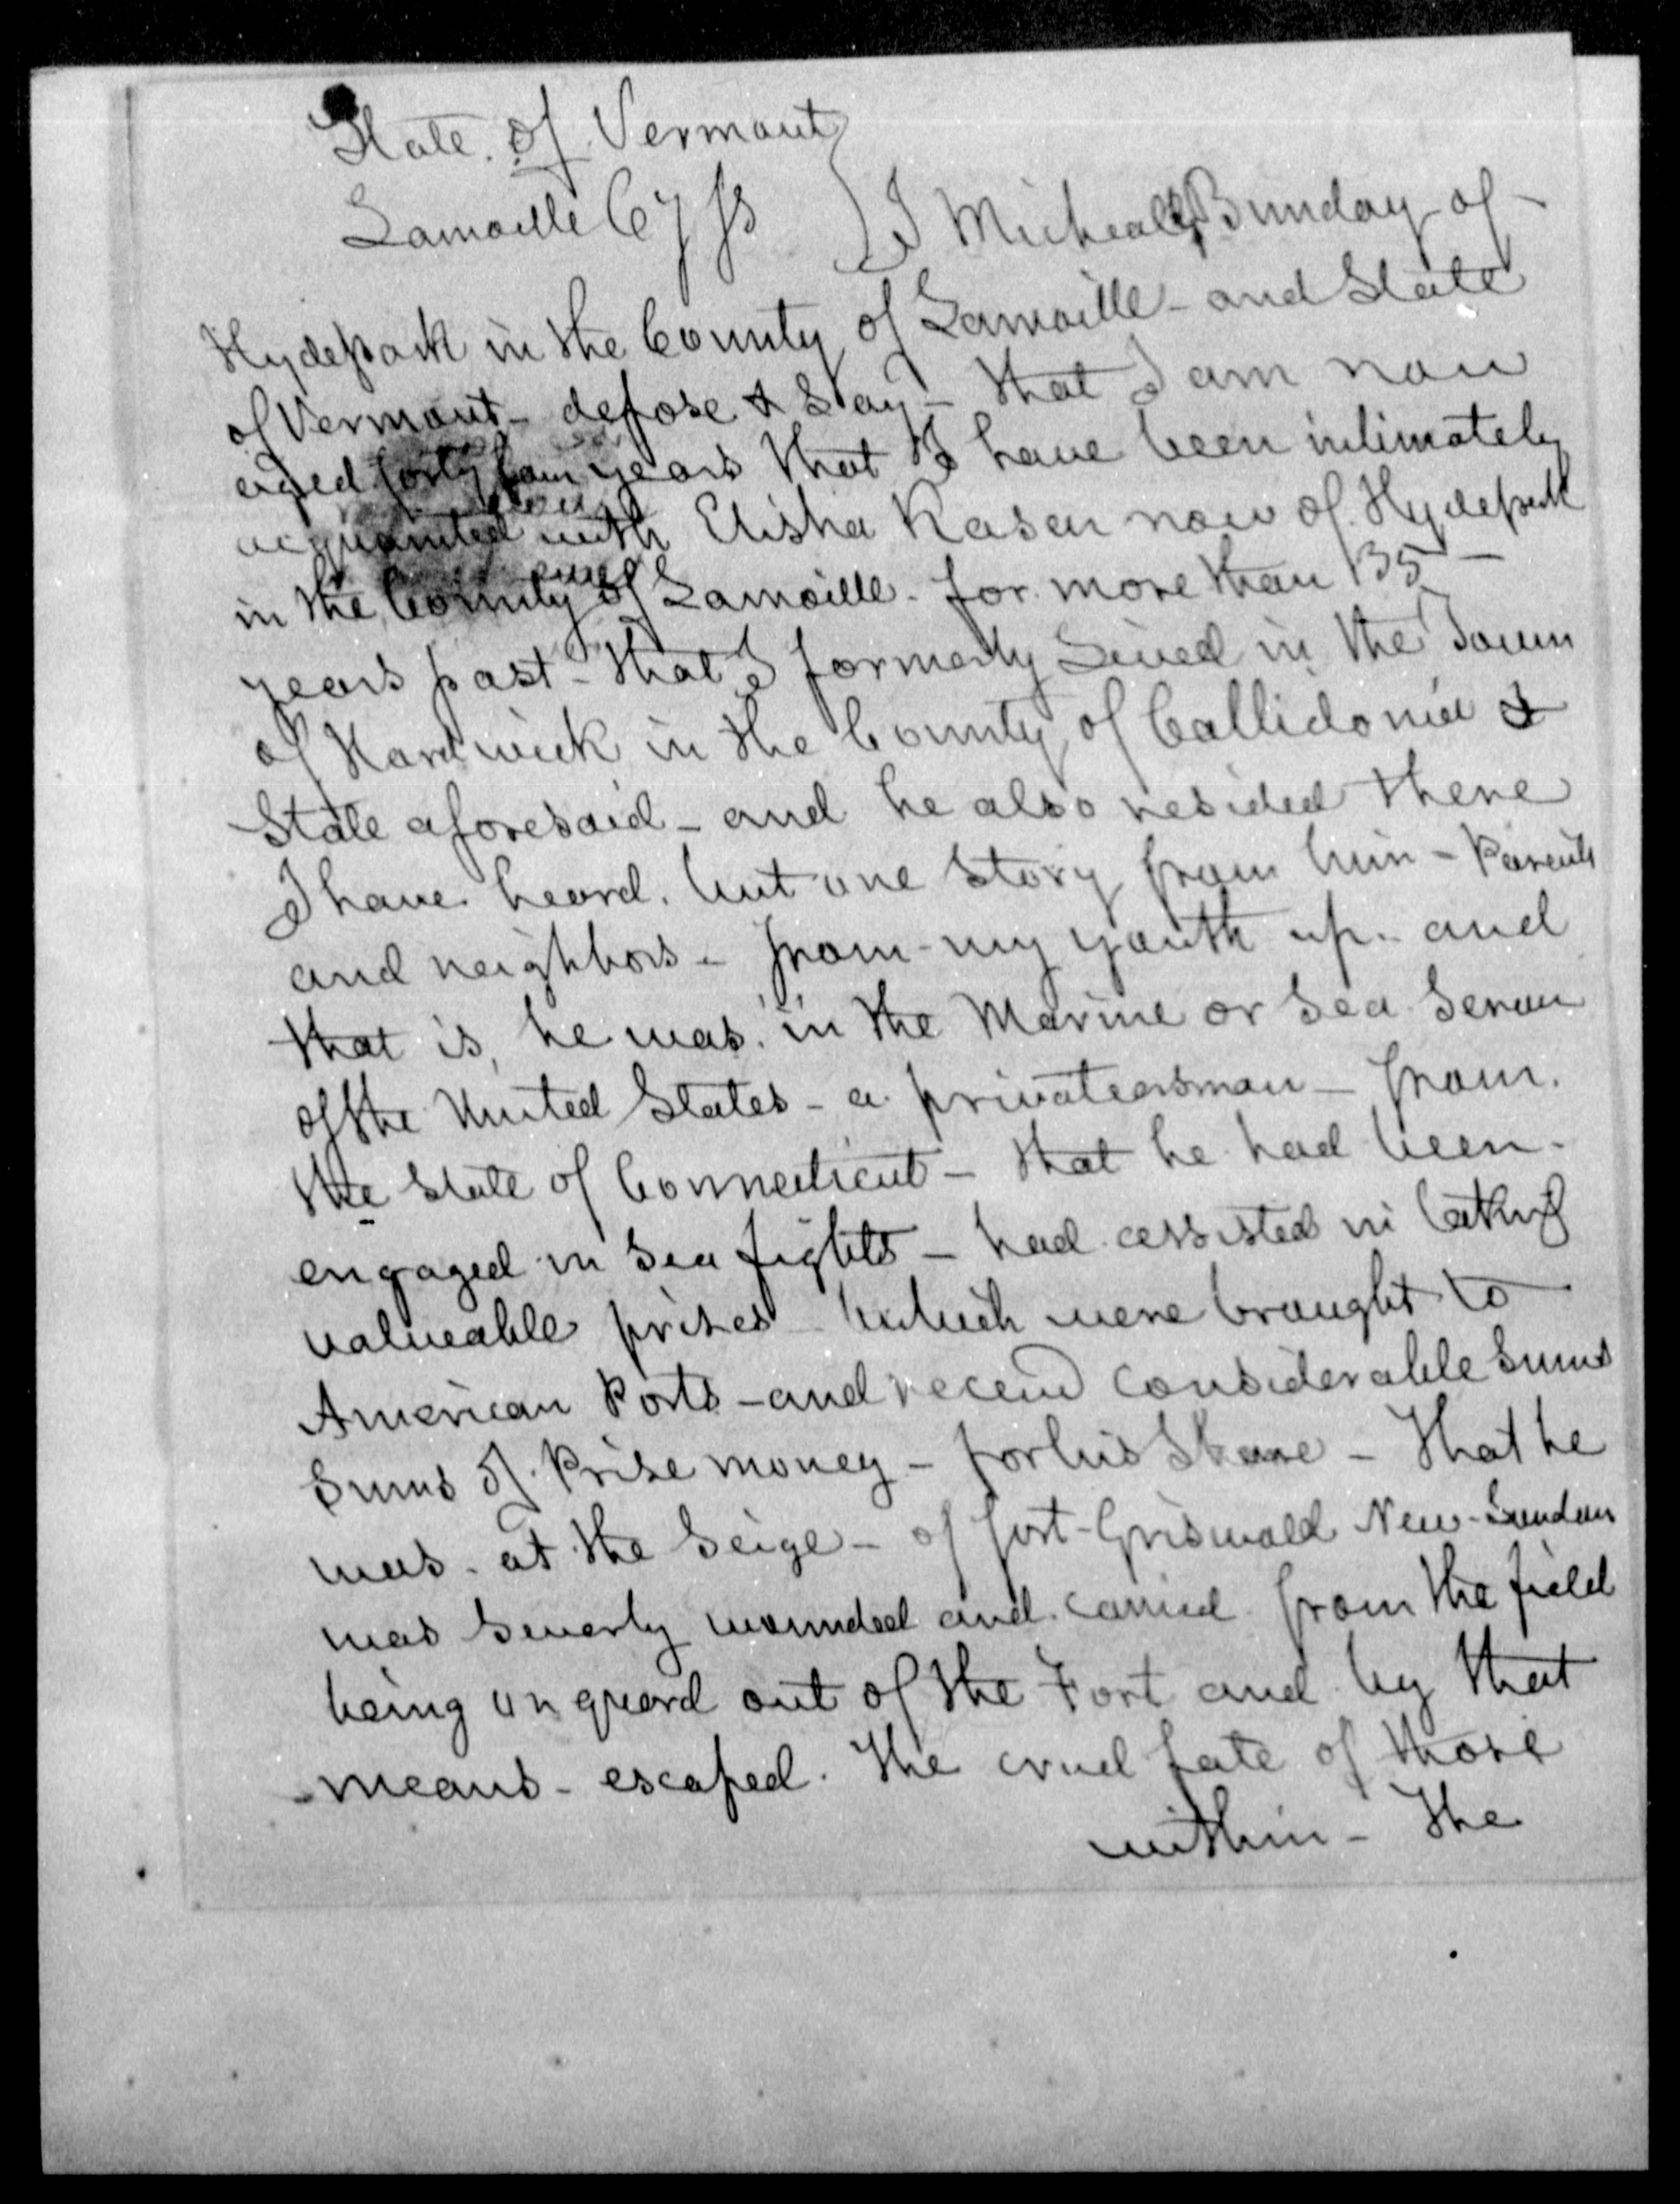State of Vermont
Samoille Cy Js
I Micheal [R] Bunday of Hyde Park in the county of Samoille and State of Vermont- defore & stay- that I am now aged fourty four years thatI have been intimately acquainted with Elisha Raser not of Hyde Park in the county of Samoille for more than 35 years past- that I formerly lived in the town of Hardwick in the county of Callidonia & 
State aforesaid and he also resided there I have heard but one story from him - Parents and neighbors from my youth [up] and that is , he was in the Marine or Sea Service of the united States a privateersman form the state of Connecticut that had been engaged in sea fights- had assisted in catching valuable prises- which were brought to American Ports and received considerable sums- sums of prise money - for his share- that he was at the Seige of fort Griswold New London was severely wounded and carried from the field being on guard out the fort and by that means escaped. The cruel fate of those within - the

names: Micheal Bunday; Elisha Rasar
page: 14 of 30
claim: rejected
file: R. 8625, for Elisha Razar, Connecticut